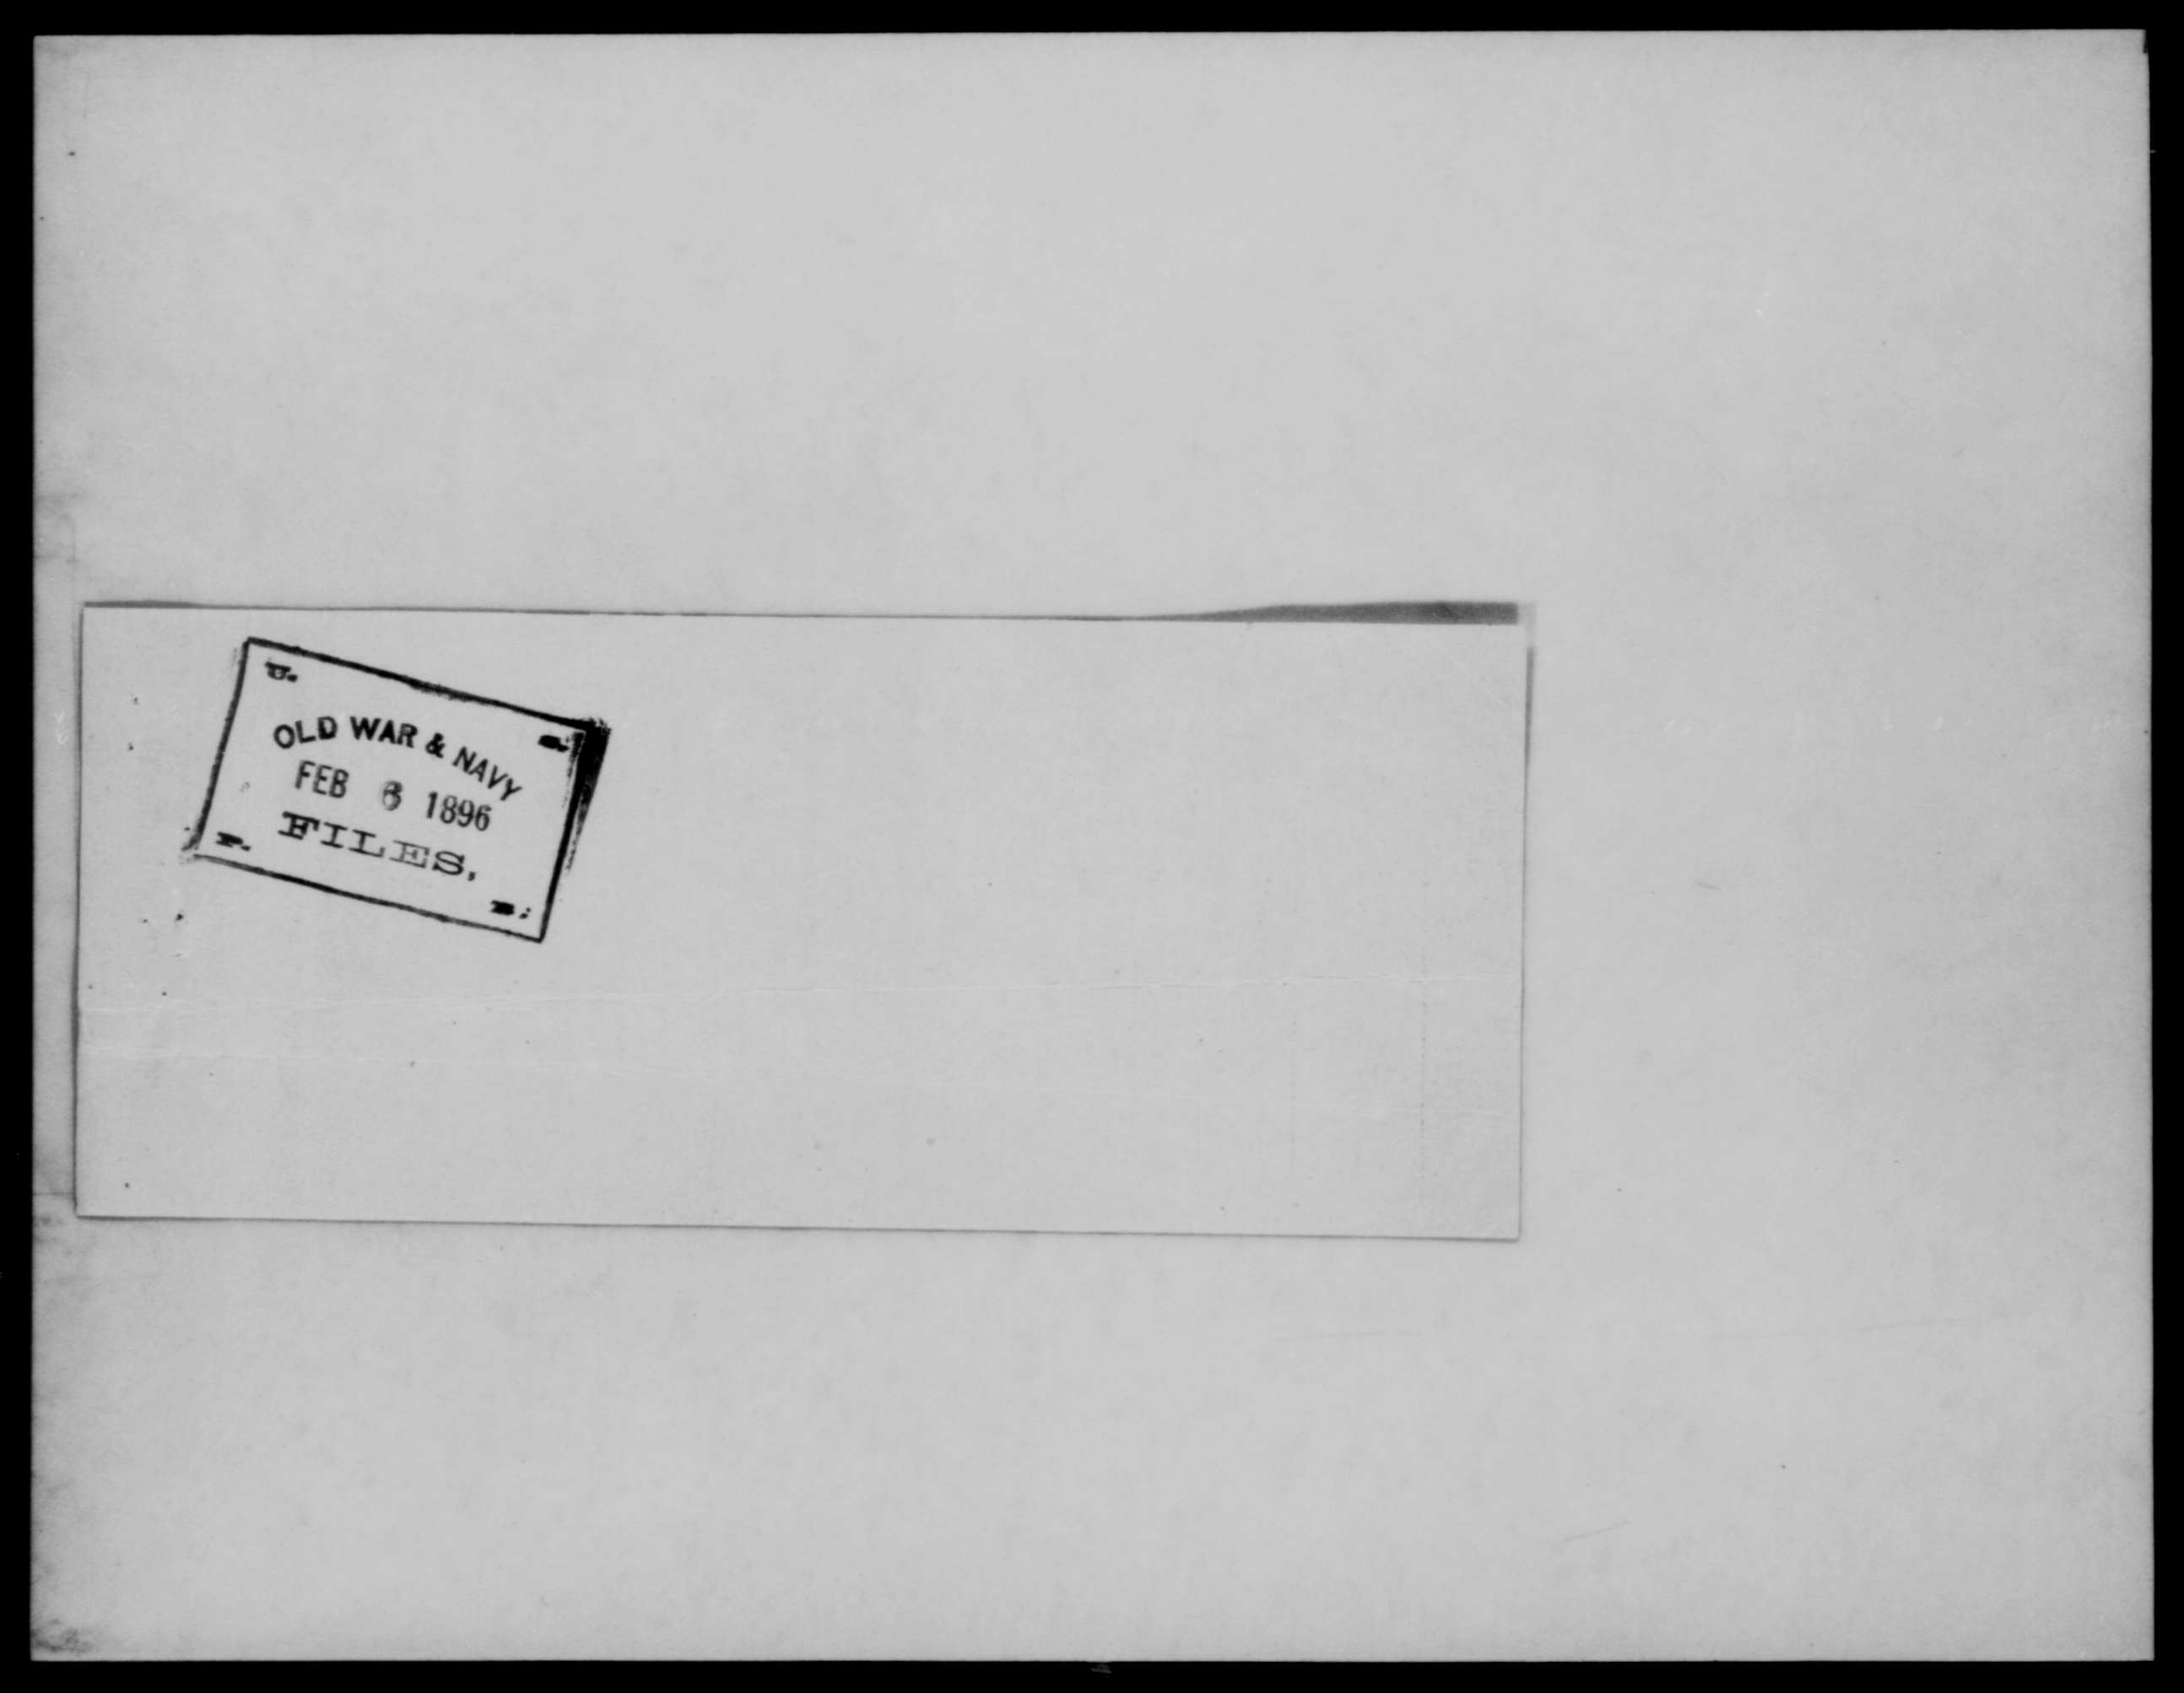(stamp): Old War & Navy Feb 6 1896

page: 49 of 63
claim: widow's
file: W. 22,632, David Williams, Conn. Continental Privateer